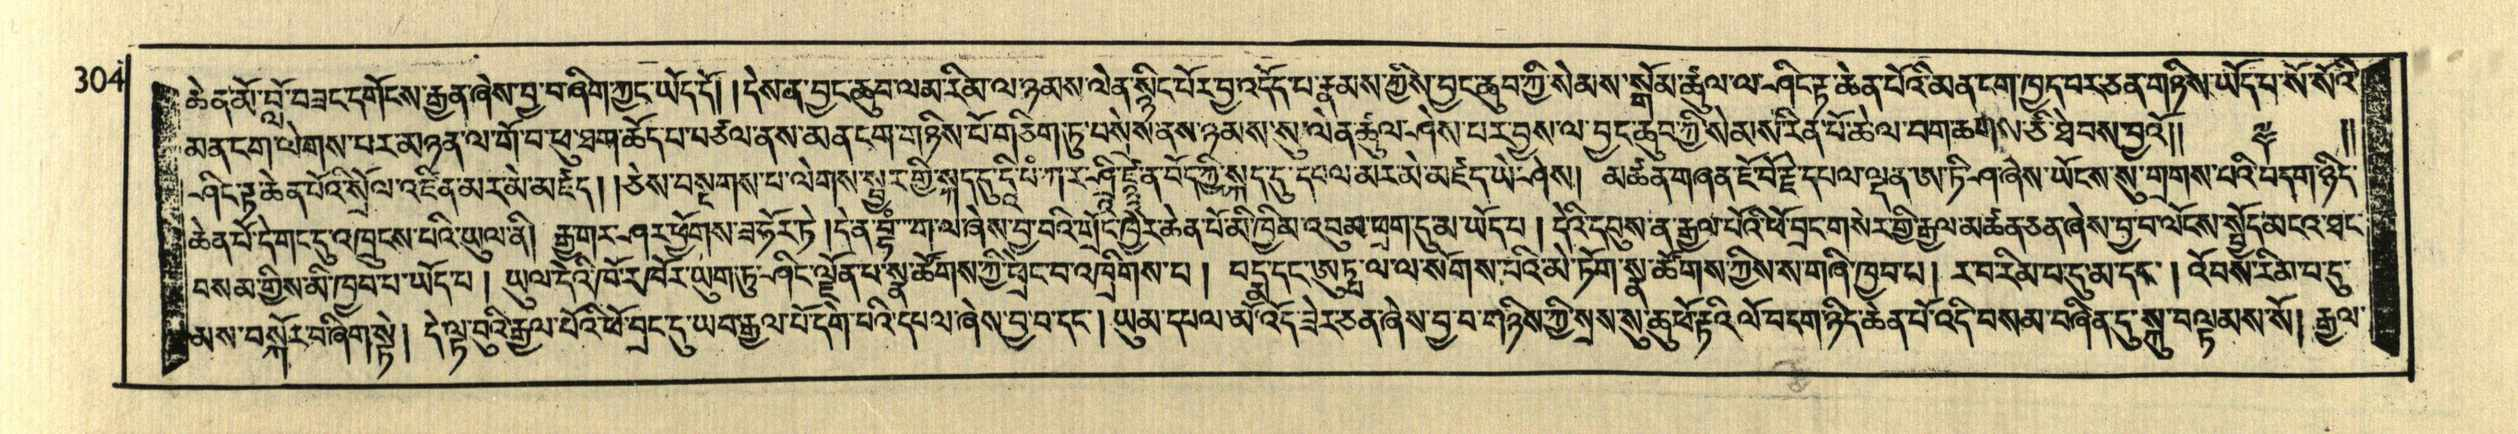ཆེན་མོ་བློ་བཟང་དགོངས་རྒྱན་ཞེས་བྱ་བ་ཞིག་ཀྱང་ཡོད་དོ། །དེས་ན་བྱང་ཆུབ་ལམ་རིམ་ལ་ཉམས་ལེན་སྙིང་པོར་བྱ་འདོད་པ་རྣམས་ཀྱིས་བྱང་ཆུབ་ཀྱི་སེམས་སྒོམ་ཚུལ་ལ་ཤིང་རྟ་ཆེན་པོའི་མན་ངག་ཁྱད་པར་ཅན་གཉིས་ཡོད་པ་སོ་སོའི་
མན་ངག་ལེགས་པར་མཉན་ལ་གོ་བ་ཕུ་ཐག་ཆོད་པ་བཙལ་ནས་མན་ངག་གཉིས་པོ་གཅིག་ཏུ་བསྲེས་ནས་ཉམས་སུ་ལེན་ཚུལ་ཤེས་པར་བྱས་ལ་བྱང་ཆུབ་ཀྱི་སེམས་རིན་པོ་ཆེ་ལ་བག་ཆགས་ཅི་ཐེབས་བྱའོ།། ༈ །།
ཤིང་རྟ་ཆེན་པོའི་སྲོལ་འཛིན་མར་མེ་མཛད། །ཅེས་བསྔགས་པ་ལེགས་སྦྱར་གྱི་སྐད་དུ་དཱི་པཾ་ཀ་ར་ཤྲཱི་ཛྙE་ན་བོད་ཀྱི་སྐད་དུ་དཔལ་མར་མེ་མཛད་ཡེ་ཤེས། མཚན་གཞན་ཇོ་བོ་རྗེ་དཔལ་ལྡན་ཨ་ཏི་ཤ་ཞེས་ཡོངས་སུ་གྲགས་པའི་བདག་ཉིད་
ཆེན་པོ་དེ་གང་དུ་འཁྲུངས་པའི་ཡུལ་ནི། རྒྱ་གར་ཤར་ཕྱོགས་ཟ་ཁོར་ཏེ་།དེ་ན་བྷཾ་ག་ལ་ཞེས་བྱ་བའི་གྲོང་ཁྱེར་ཆེན་པོ་མི་ཁྱིམ་འབུམ་ཕྲག་དུ་མ་ཡོད་པ། དེའི་དབུས་ན་རྒྱལ་པོའི་ཕོ་བྲང་གསེར་གྱི་རྒྱལ་མཚན་ཅན་ཞེས་བྱ་བ་ལོངས་སྤྱོད་མངའ་ཐང་
བསམ་གྱིས་མི་ཁྱབ་པ་ཡོད་པ། ཡུལ་དེའི་ཁོ་ར་ཁོར་ཡུག་ཏུ་ཤིང་ལྗོན་པ་སྣ་ཚོགས་ཀྱི་ཕྲེང་བ་འཁྲིགས་པ། པདམ་དང་ཨུཏྤ་ལ་ལ་སོགས་པའི་མེ་ཏོག་སྣ་ཚོགས་ཀྱིས་ས་གཞི་ཁྱབ་པ། རབ་རིམ་པ་དུ་མ་དང་། འོབས་རིམ་པ་དུ་
མས་བསྐོར་བ་ཞིག་སྟེ། དེ་ལྟ་བུའི་རྒྱལ་པོའི་ཕོ་བྲང་དུ་ཡབ་རྒྱལ་པོ་དགེ་པའི་དཔལ་ཞེས་བྱ་བ་དང་། ཡུམ་དཔལ་མོ་འོད་ཟེར་ཅན་ཞེས་བྱ་བ་གཉིས་ཀྱི་སྲས་སུ་ཆུ་ཕོ་རྟའི་ལོ་བདག་ཉིད་ཆེན་པོ་འདི་བསམ་བཞིན་དུ་སྐུ་བལྟམས་སོ། རྒྱལ་